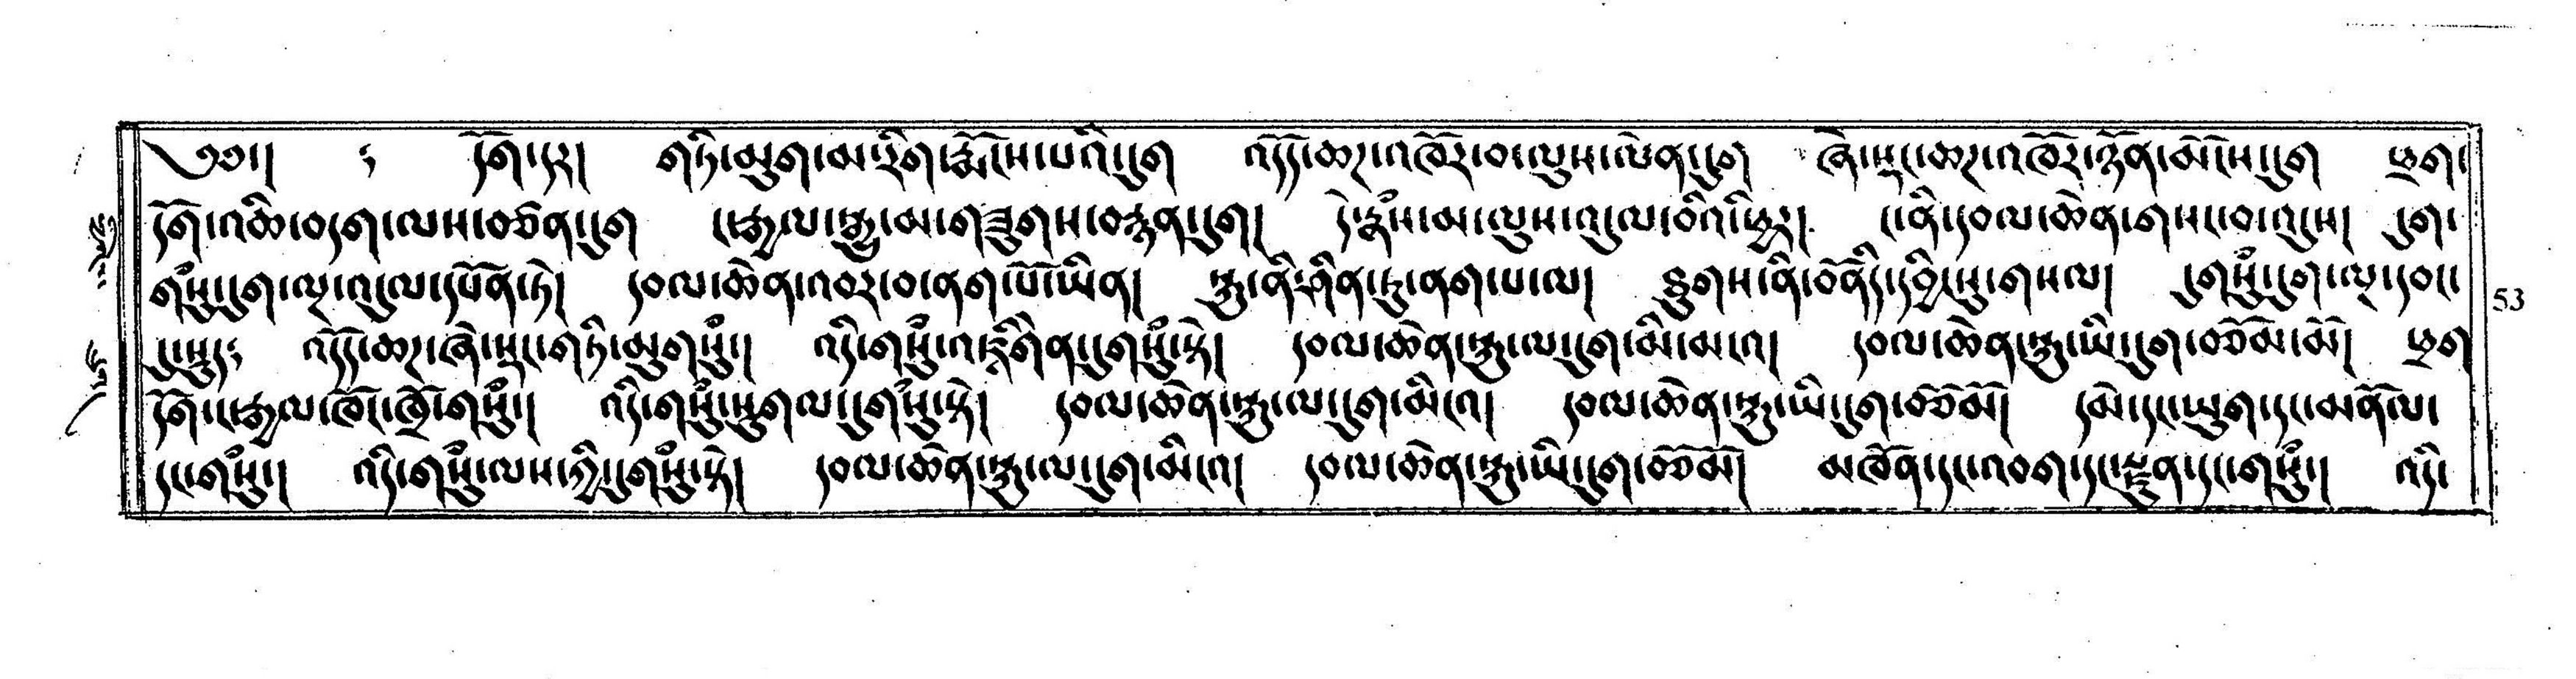དོག་དར། གཏི་མུག་མ་རིག་རྨོངས་པའི་དུག འདོད་ཆགས་འཁོར་བ་ལུས་ལེན་དུག ཞེ་སྡང་ཆགས་འཁོར་ཉོན་མོངས་དུག ཕྲག་
དོག་འཆི་བདག་ལས་བཙན་དུག ང་རྒྱལ་སྒྱུ་མ་གཟུགས་བརྙན་དུག དེ་རྣམས་མ་ལུས་འདུལ་བའི་ཕྱིར། ང་ནི་དབལ་ཆེན་གསང་བ་འདུས། དུག་
གསུམ་དུག་ལྔ་འདུལ་དཔོན་ཏེ། དབལ་ཆེན་འབར་བ་ནག་པོ་ཡིན། སྐུ་ནི་ཤིན་ཏུ་ནག་པ་ལ། ཐུགས་ནི་བོན་ཉིད་དབྱིངས་སུ་གསལ། དུག་གསུམ་དུག་ལྔ་དབང་
དུ་སྡུད། འདོད་ཆགས་ཞེ་སྡང་གཏི་མུག་གསུམ། འདི་གསུམ་འཇིག་རྟེན་དུག་གསུམ་སྟེ། དབལ་ཆེན་སྐུ་ལ་དུག་མི་མངའ། དབལ་ཆེན་སྐུ་ཡི་དུག་བཅོམ་མོ། ཕྲག་
དོག་ང་རྒྱལ་ཁོང་ཁྲོ་གསུམ། འདི་གསུམ་སྡུག་བསྔལ་དུག་གསུམ་སྟེ། དབལ་ཆེན་སྐུ་ལ་དུག་མི་མངའ་། དབལ་ཆེན་སྐུ་ཡི་དུག་བཅོམ་མོ། དམེ་དང་ཡུག་དང་མནོལ་
དང་གསུམ། འདི་གསུམ་ལས་ཀྱི་དུག་གསུམ་སྟེ། དབལ་ཆེན་སྐུ་ལ་དུག་མི་མངའ། དབལ་ཆེན་སྐུ་ཡི་དུག་བཅོམ་མོ། མཁོན་དང་འབག་དང་རྫུན་དང་གསུམ། འདི་